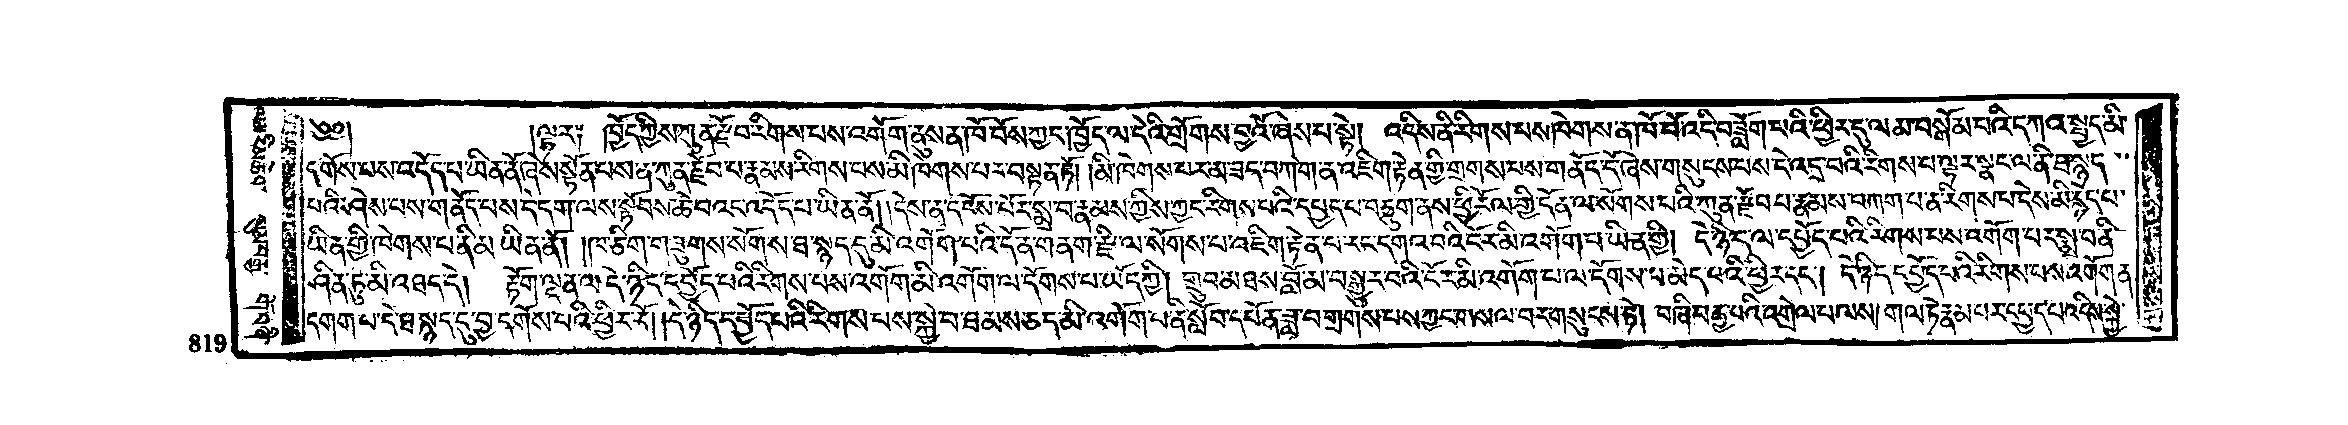༄༅། །ལྟར༑ ཁྱོད་ཀྱིས་ཀུན་རྫོབ་རིགས་པས་འགོག་ནུས་ན་ཁོ་བོས་ཀྱང་ཁྱོད་ལ་དེའི་གྲོགས་བྱའོ་ཞེས་པ་སྟེ། འདིས་ནི་རིགས་པས་ཁེགས་ན་ཁོ་བོ་འདི་བཟློག་པའི་ཕྱིར་དུ་ལམ་བསྒོམ་པའི་དཀའ་སྤྱད་མི་
དགོས་པས་འདོད་པ་ཡིན་ནོ་ཞེས་སྟོན་པས་ན་ཀུན་རྫོབ་པ་རྣམས་རིགས་པས་མི་ཁེགས་པར་བསྟན་ཏོ། །མི་ཁེགས་པར་མ་ཟད་བཀག་ན་འཇིག་རྟེན་གྱི་གྲགས་པས་གནོད་དོ་ཞེས་གསུངས་པས་དེ་འདྲ་བའི་རིགས་པ་ལྟར་སྣང་ལ་ནི་ཐ་སྙད་
པའི་ཤེས་པས་གནོད་པས་དེ་དག་ལས་སྟོབས་ཆེ་བའང་འདོད་པ་ཡིན་ནོ། །དེས་ན་དངོས་པོར་སྨྲ་བ་རྣམས་ཀྱིས་ཀྱང་རིགས་པའི་དཔྱད་པ་བཅུག་ནས་ཕྱི་རོལ་གྱི་དོན་ལ་སོགས་པའི་ཀུན་རྫོབ་པ་རྣམས་བཀག་པ་ན་རིགས་པ་དེས་མི་རྙེད་པ་
ཡིན་གྱི་ཁེགས་པ་ནི་མ་ཡིན་ནོ། །ཁ་ཅིག་གཟུགས་སོགས་ཐ་སྙད་དུ་མི་འགོག་པའི་དོན་གནག་རྫི་ལ་སོགས་པ་འཇིག་རྟེན་པ་རང་དགའ་བའི་ངོར་མི་འགོག་པ་ཡིན་གྱི། དེ་ཉིད་ལ་དཔྱོད་པའི་རིགས་པས་འགོག་པར་སྨྲ་བ་ནི་
ཤིན་ཏུ་མི་འཐད་དེ། རྟོག་ལྡན་ལ་དེ་ཉིད་དཔྱོད་པའི་རིགས་པས་འགོག་མི་འགོག་ལ་དོགས་པ་ཡོད་ཀྱི། གྲུབ་མཐས་བློ་མ་བསྒྱུར་བའི་ངོར་མི་འགོག་པ་ལ་དོགས་པ་མེད་པའི་ཕྱིར་དང་། དེ་ཉིད་དཔྱོད་པའི་རིགས་པས་འགོག་ན་
དགག་པ་དེ་ཐ་སྙད་དུ་བྱ་དགོས་པའི་ཕྱིར་རོ། །དེ་ཉིད་དཔྱོད་པའི་རིགས་པས་སྐྱེ་བ་ཐམས་ཅད་མི་འགོག་པ་ནི་སློབ་དཔོན་ཟླ་བ་གྲགས་པས་ཀྱང་གསལ་བར་གསུངས་ཏེ། བཞི་བརྒྱ་པའི་འགྲེལ་པ་ལས། གལ་ཏེ་རྣམ་པར་དཔྱད་པ་འདིས་སྐྱེ་